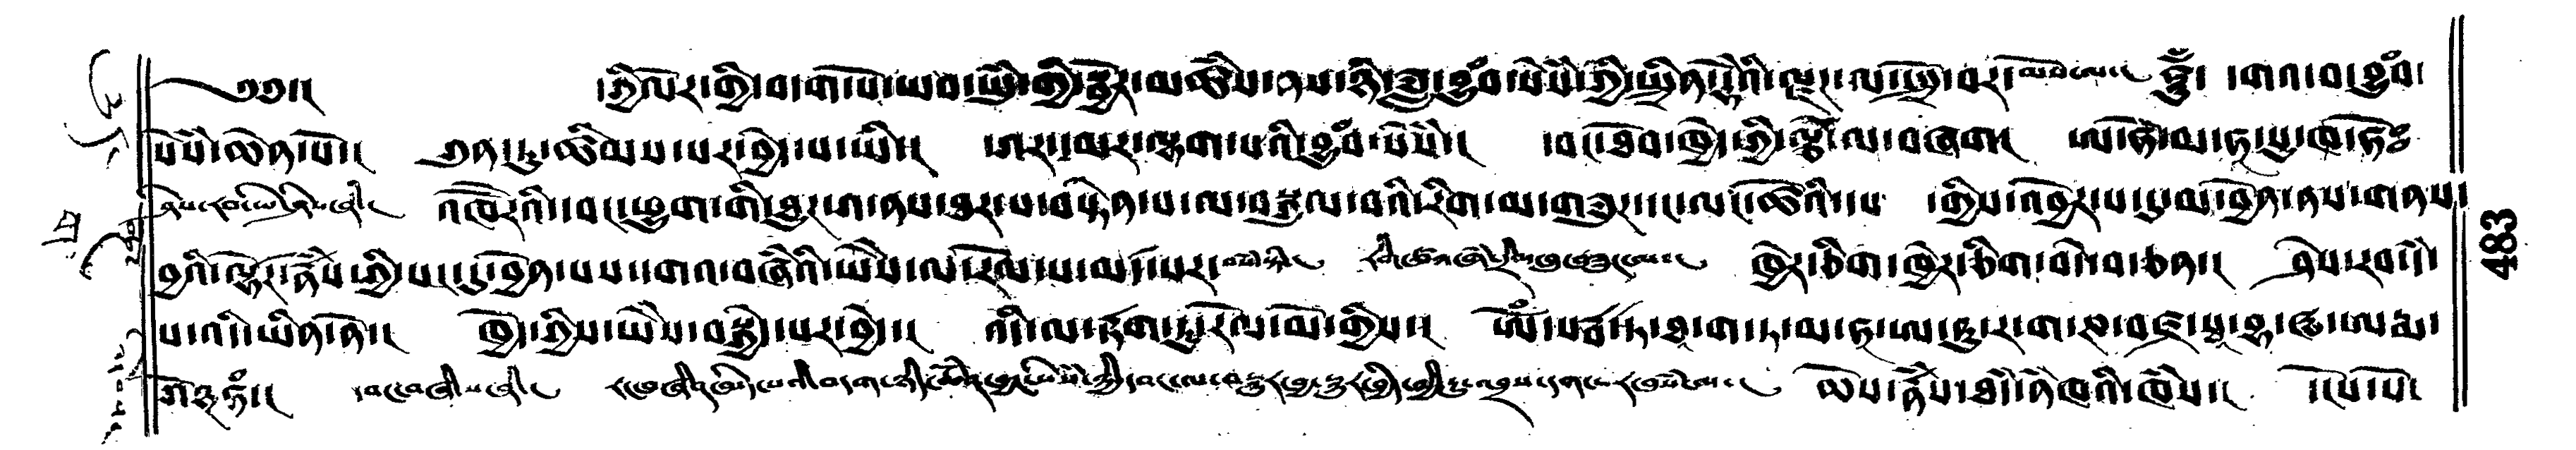དཀྱིལ་འཁོར་གྱི་བདག་པོ་ཡབ་ཡུམ་གྱི་སྦྱོར་མཚམས་ནས་ཉི་ཟླ་བྱང་ཆུབ་སེམས་ཀྱི་སྤྲིན་རྡོ་རྗེའི་ལྗགས་ལ་སྤྲོ་བར་མོས་ལ། ཧཱུྃ། དགའ་བ་བྱང་ཆུབ་
སེམས་ཆེན་པོ། །ཀུན་ཏུ་ཚིམས་པར་བྱེད་པ་ཡི། །དཀར་དམར་ལྷག་པའི་བྱང་ཆུབ་སེམས། །དབང་ཐོབ་ཁྱེད་ཀྱི་ལྕེ་ལ་བཞག ཨ་ཧོ་མ་ཧཱ་སུ་ཁ་ཧོཿ 
ཤེས་རབ་ཡེ་ཤེས་ནི། འཁོར་ལོའི་དབང་ཕྱུག་གི་ཐུགས་ཀ་ནས་ཐར་པ་བསྟེན་པ་ལ་བསྐུལ་བའི་རིག་མ་གཟུགས་དང་ལང་ཚོའི་དཔལ་གྱིས་འབྱོར་པ་དུ་མ་བྱོན་ནས་གནས་
བྱའི་ལྷ་ཚོགས་རྣམས་ཀྱི་པང་དུ་བྱོན་པས་དགའ་བཞིའི་ཡེ་ཤེས་ལ་རོལ་པ་མཛད་པར་བསམ་སྟེ། རིག་ཙཀ་གམ་དྲིལ་བུ་བཟུང་ལ། ཁྱེར་ཅིག་ཁྱེར་ཅིག་བདེ་བ་ཅན། །ཤེས་རབ་དམ་
པ་འདི་ཡིན་ནོ། ཁྱོད་ཀྱིས་ཡེ་ཤེས་བསྐྱེད་པར་བྱེད། །འདི་ལ་རྟག་ཏུ་རོལ་མོ་གྱིས། ཨོཾ་སརྦ་ཏ་ཐཱ་ག་ཏ་མ་ཧཱ་ཨ་ནུ་ར་ག་ཎ་བཛྲ་སྭ་བྷ་ཝ་ཨཏྨ་
ཀོ྅་ཧཾ། དབང་བཞི་པ་ནི། རང་བཞིན་མེད་པའི་བདག་ཉིད་ཆེན་པོ་བྱང་སེམས་ཀྱི་དབང་ལ་བསྐུར་བྱ་སྐུར་བྱེད་ཀྱི་རྒྱུ་འབྲས་དག་པར་བསམ་ལ། ཆོས་རྣམས་ཐམས་ཅད་ནམ་མཁའི་ཁམས། །དངོས་པོ་